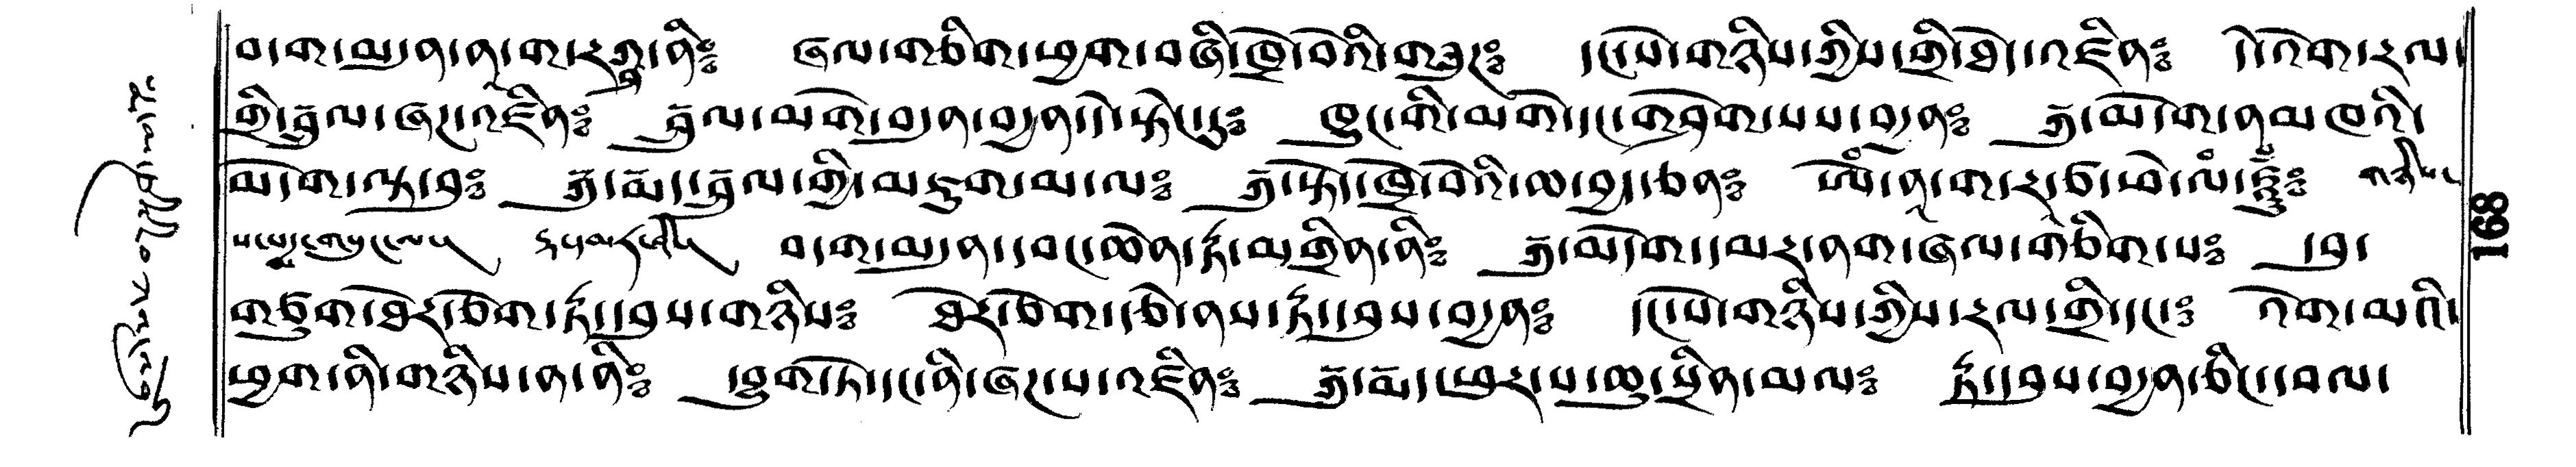བདག་མདུན་ནཱ་ག་རཀྴ་ནི༔ ཞལ་གཅིག་ཕྱག་བཞི་ཁྲོ་བོའི་གཟུགས༔ དང་པོ་གཉིས་ཀྱིས་གྲི་ཐོད་འཛིན༔ དེ་འོག་རལ་
གྲི་སྦྲུལ་ཞགས་འཛིན༔ སྦྲུལ་མགོ་བདུན་བརྒྱན་དེ་སྟེང་དུ༔ ཁྱུང་གི་མགོ་དང་གཤོག་པས་བརྒྱན༔ སྐུ་མདོག་ནམ་མཁའི་
མདོག་ལྟ་བུ༔ སྐུ་སྨད་སྦྲུལ་གྱི་མཇུག་མ་ལ༔ སྐུ་སྟོད་ཁྲོ་བོའི་ཆ་བྱད་ཅན༔ ཨོཾ་ནཱ་ག་རཱ་ཙ་ཕེ་ལཾ་ཧཱུྃ༔ གཉིས་
པ་པདྨ་གསུང་ལ། རྟ་དམར་ནི། བདག་མདུན་དབང་ཆེན་རྟ་མགྲིན་ནི༔ སྐུ་མདོག་དམར་ནག་ཞལ་གཅིག་པ༔ དབུ་
གཙུག་ཐོར་ཅོག་རྟ་དབུ་གཉིས༔ ཐོར་ཅོག་རྩེ་ནས་རྟ་དབུས་བརྒྱན༔ དང་པོ་གཉིས་ཀྱིས་རལ་གྲི་དང༔ འོག་མའི་
ཕྱག་ནི་གཉིས་ན་ནི༔ དབྱུག་ཏོ་དང་ནི་ཞགས་པ་འཛིན༔ སྐུ་སྨད་ཕུར་པ་ཆུ་སྲིན་མལ༔ རྟ་དབུས་བརྒྱན་ཅིང་དབལ་